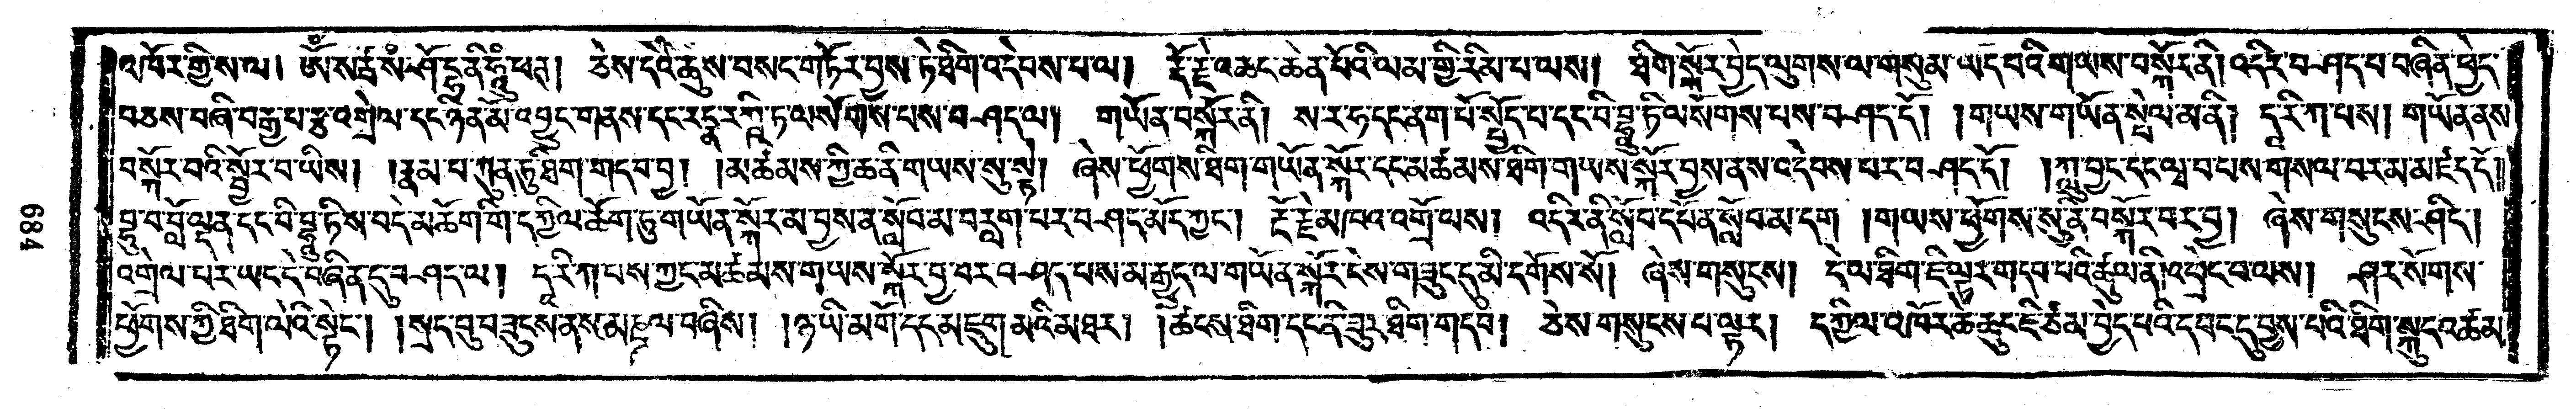འཁོར་གྱི་ས་ལ། ཨོཾ་སརྦ་སཾ་ཤོ་དྷ་ནི་ཧཱུཾ་ཕཊ། ཅེས་དེའི་ཆུས་བསང་གཏོར་བྱས་ཏེ་ཐིག་འདེབས་པ་ལ། རྡོ་རྗེ་འཆང་ཆེན་པོའི་ལམ་གྱི་རིམ་པ་ལས། ཐིག་སྐོར་བྱེད་ལུགས་ལ་གསུམ་ཡོད་པའི་གཡས་བསྐོར་ནི། འདིར་བཤད་པ་བཞིན་ཕྱེད་
བཅས་བཞི་བརྒྱ་པ་རྩ་འགྲེལ་དང་ཉིན་མོ་འབྱུང་གནས་དང་རདྣ་རཀྵི་ཏ་ལ་སོགས་པས་བཤད་ལ། གཡོན་བསྐོར་ནི། ས་ར་ཧ་དང་ནག་པོ་སྤྱོད་པ་དང་བི་བྷཱུ་ཏི་ལ་སོགས་པས་བཤད་དོ། །གཡས་གཡོན་སྤེལ་མ་ནི། དཱ་རི་ཀ་པས། གཡོན་ནས་
བསྐོར་བའི་སྦྱོར་བ་ཡིས། །རྣམ་པ་ཀུན་ཏུ་ཐིག་གདབ་བྱ། །མཚམས་ཀྱི་ཆ་ནི་གཡས་སུ་སྟེ། ཞེས་ཕྱོགས་ཐིག་གཡོན་སྐོར་དང་མཚམས་ཐིག་གཡས་སྐོར་བྱས་ནས་འདེབས་པར་བཤད་དོ། །ཀླུ་བྱང་དང་ལྭ་བ་པས་གསལ་བར་མ་མཛད་དོ།།
བྷུ་བ་བློ་ལྡན་དང་བི་བྷཱུ་ཏི་ས་བདེ་མཆོག་གི་དཀྱིལ་ཆོག་ཏུ་གཡོན་སྐོར་མ་བྱས་ན་སློབ་མ་བརླག་པར་བཤད་མོད་ཀྱང་། རྡོ་རྗེ་མཁའ་འགྲོ་ལས། འདིར་ནི་སློབ་དཔོན་སློབ་མ་དག །གཡས་ཕྱོགས་སུ་ནི་བསྐོར་བར་བྱ། ཞེས་གསུངས་ཤིང་།
འགྲེལ་པར་ཡང་དེ་བཞིན་དུ་བཤད་ལ། དཱ་རི་ཀ་པས་ཀྱང་མཚམས་གཡས་སྐོར་བྱ་བར་བཤད་པས་མ་རྒྱུད་ལ་གཡོན་སྐོར་ངེས་གཟུང་དུ་མི་དགོས་སོ། ཞེས་གསུངས། དེ་ལ་ཐིག་ཇི་ལྟར་གདབ་པའི་ཚུལ་ནི་འཕྲེང་བ་ལས། ཤར་སོགས་
ཕྱོགས་ཀྱི་ཐིག་ལེའི་སྟེང་། །སྲད་བུ་བཟུངས་ནས་མཎྜལ་བཞིས། །ཉ་ཡི་མགོ་དང་མཇུག་མའི་མཐར། །ཚངས་ཐིག་དང་ནི་ཟུར་ཐིག་གདབ། ཅེས་གསུངས་པ་ལྟར། དཀྱིལ་འཁོར་ཆེ་ཆུང་ཇི་ཙམ་བྱེད་པའི་དབང་དུ་བྱས་པའི་ཐིག་སྐུད་འཚམ་